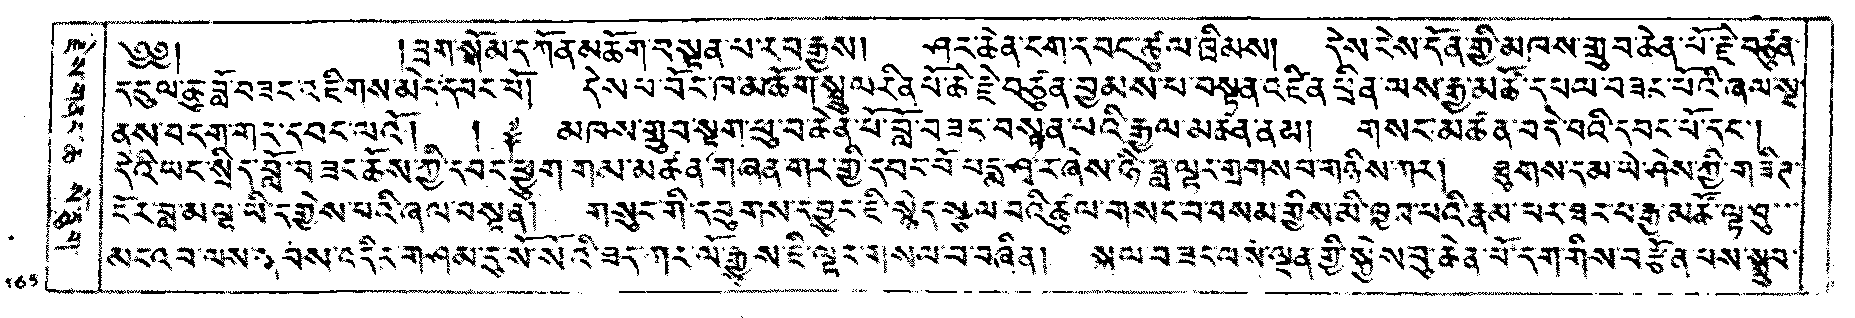༄༅། །བྲག་སྒོམ་དཀོན་མཆོག་བསྟན་པ་རབ་རྒྱས། ཤར་ཆེན་ངག་དབང་ཚུལ་ཁྲིམས། དེས་ངེས་དོན་གྱི་མཁས་གྲུབ་ཆེན་པོ་རྗེ་བཙུན་
དངུལ་ཆུ་བློ་བཟང་འཇིགས་མེད་དབང་པོ། དེས་ཕ་བོང་ཁ་མཆོག་སྤྲུལ་རིན་པོ་ཆེ་རྗེ་བཙུན་བྱམས་པ་བསྟན་འཛིན་ཕྲིན་ལས་རྒྱ་མཚོ་དཔལ་བཟང་པོའི་ཞལ་སྔ་
ནས་བདག་གར་དབང་ལའོ། ། ༈ མཁས་གྲུབ་སྟག་ཕུ་བ་ཆེན་པོ་བློ་བཟང་བསྟན་པའི་རྒྱལ་མཚན་ནམ། གསང་མཚན་བདེ་བའི་དབང་པོ་དང་།
དེའི་ཡང་སྲིད་བློ་བཟང་ཆོས་ཀྱི་དབང་ཕྱུག་གམ་མཚན་གཞན་གར་གྱི་དབང་པོ་པདམ་ཤྭ་ར་ཞེས་ཉི་ཟླ་ལྟར་གྲགས་པ་གཉིས་ཀར། ཐུགས་དམ་ཡེ་ཤེས་ཀྱི་གཟིགས་
ངོར་བླ་མ་ལྷ་ཡི་དགྱེས་པའི་ཞལ་བསྟན། གསུང་གི་དབུགས་དབྱུང་ཇི་སྙེད་སྩལ་བའི་ཚུལ་གསང་བ་བསམ་གྱིས་མི་ཁྱབ་པའི་རྣམ་པར་ཐར་པ་རྒྱ་མཚོ་ལྟ་བུ་
མངའ་བ་ལས་སྐབས་འདིར་གཤམ་དུ་སོ་སོའི་ཐད་ཀར་ལོ་རྒྱུས་ཇི་ལྟར་གསལ་བ་བཞིན། སྐལ་བཟང་ལས་ལྡན་གྱི་སྐྱེས་བུ་ཆེན་པོ་དག་གིས་བརྩོན་པས་སྒྲུབ་